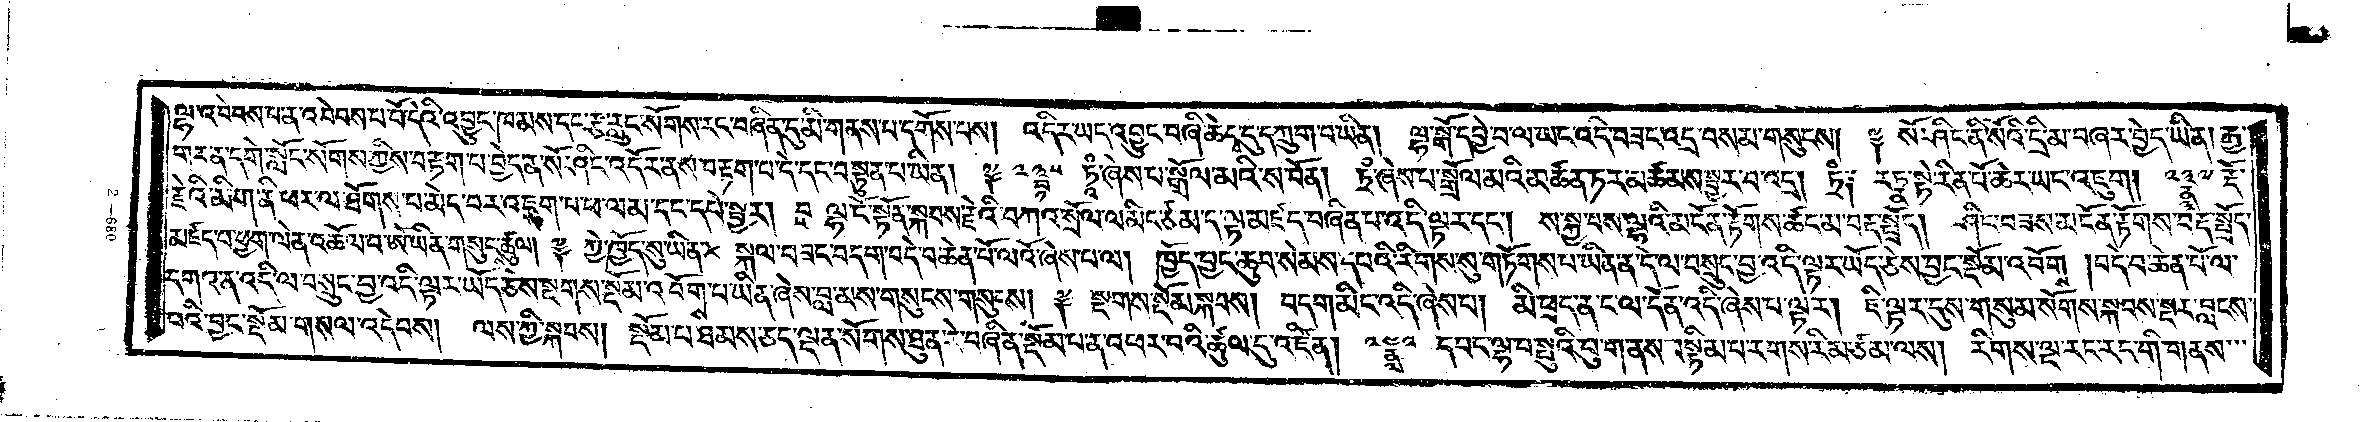ལྷ་བབས་པར་འབེབས་པ་པོ་དེའི་འབྱུང་ཁམས་དང་རྩ་རླུང་སོགས་རང་བཞིན་དུ་མི་གནས་པ་དགོས་པས། འདིར་ཡང་འབྱུང་བཞི་ཆེད་དུ་དཀྲུག་པ་ཡིན། ལྷ་སྒོ་དབྱེ་བ་ལ་ཡང་འདི་བཟང་འདྲ་བསམ་གསུངས། ༈ སོ་ཤིང་ནི་སོའི་དྲི་མ་བཞར་བྱེད་ཡིན། རྒྱ་
གར་ན་དགེ་སློང་སོགས་ཀྱིས་བརྟག་པ་བྱེད་ན་སོ་ཤིང་འདོར་ནས་བརྟག་པ་དེ་དང་བསྟན་པ་ཡིན། ༈ ༢༣༥བ༡་ཏཱཾ་ཞེས་པ་སྒྲོལ་མའི་ས་བོན། ཏྲཾ་ཞེས་པ་སྒྲོལ་མའི་མཚན་ཏར་མཚམས་སྦྱར་བ་འདྲ། ཏྲཾ༑ རཏྣ་སྟེ་རིན་པོ་ཆེར་ཡང་འཇུག། ༢༣༧ན༣་རྡོ་
རྗེའི་མིག་ནི་ཕར་ལ་ཐོགས་པ་མེད་པར་འཇུག་པ་ཕ་ལམ་དང་དཔེ་སྦྱར། བ༥་ལྷ་ངོ་སྟོན་སྐབས་རྗེའི་བཀའ་སྲོལ་ལ་མིང་ཙམ་ད་ལྟ་མཛད་བཞིན་པ་འདི་ལྟར་དང་། ས་སྐྱབས་ལྷའི་མངོན་རྟོགས་ཚང་མ་བརྡ་སྤྲོད། ཤིང་བཟས་མངོན་རྟོགས་བརྡ་སྤྲོད་
མཛད་པ་ཕྱག་ལེན་འཆོལ་བ་ཨེ་ཡིན་གསུངས་ཚུལ། ༈ ཀྱེ་ཁྱོད་སུ་ཡིན་྾་སྐལ་བཟང་བདག་བདེ་བ་ཆེན་པོ་ལའོ་ཞེས་པ་ལ། ཁྱོད་བྱང་ཆུབ་སེམས་དཔའི་རིགས་སུ་གཏོགས་པ་ཡིན་ན་དེ་ལ་བསྲུང་བྱ་འདི་ལྟར་ཡོད་ཅེས་བྱང་སྡོམ་འབོགས། །བདེ་བ་ཆེན་པོ་ལ་
དགའ་ན་འདི་ལ་བསྲུང་བྱ་འདི་ལྟར་ཡོད་ཅེས་སྔགས་སྡོམ་འབོག་པ་ཡིན་ཞེས་བླ་མས་གསུངས་གསུངས། ༈ སྔགས་སྡོམ་སྐབས། བདག་མིང་འདི་ཞེས་པ། མི་ཕྲད་ན་ང་ལ་དོན་འདི་ཞེས་པ་ལྟར། ཇི་ལྟར་དུས་གསུམ་སོགས་སྐབས་སྔར་བླངས་
བའི་བྱང་སྡོམ་གསལ་འདེབས། ལས་ཀྱི་སྐབས། སྡོམ་པ་ཐམས་ཅད་ལྡན་སོགས་ཐུན་རེ་བཞིན་སྡོམ་པ་ན་འཕར་བའི་ཚུལ་དུ་འཛིན། ༢༤༢ན༢་དབང་ལྷ་བ་སྤུའི་བུ་གནས་བསྟིམ་པ་རགས་རིམ་ཙམ་ལས། རིགས་ལྔ་རང་རང་གི་གནས་